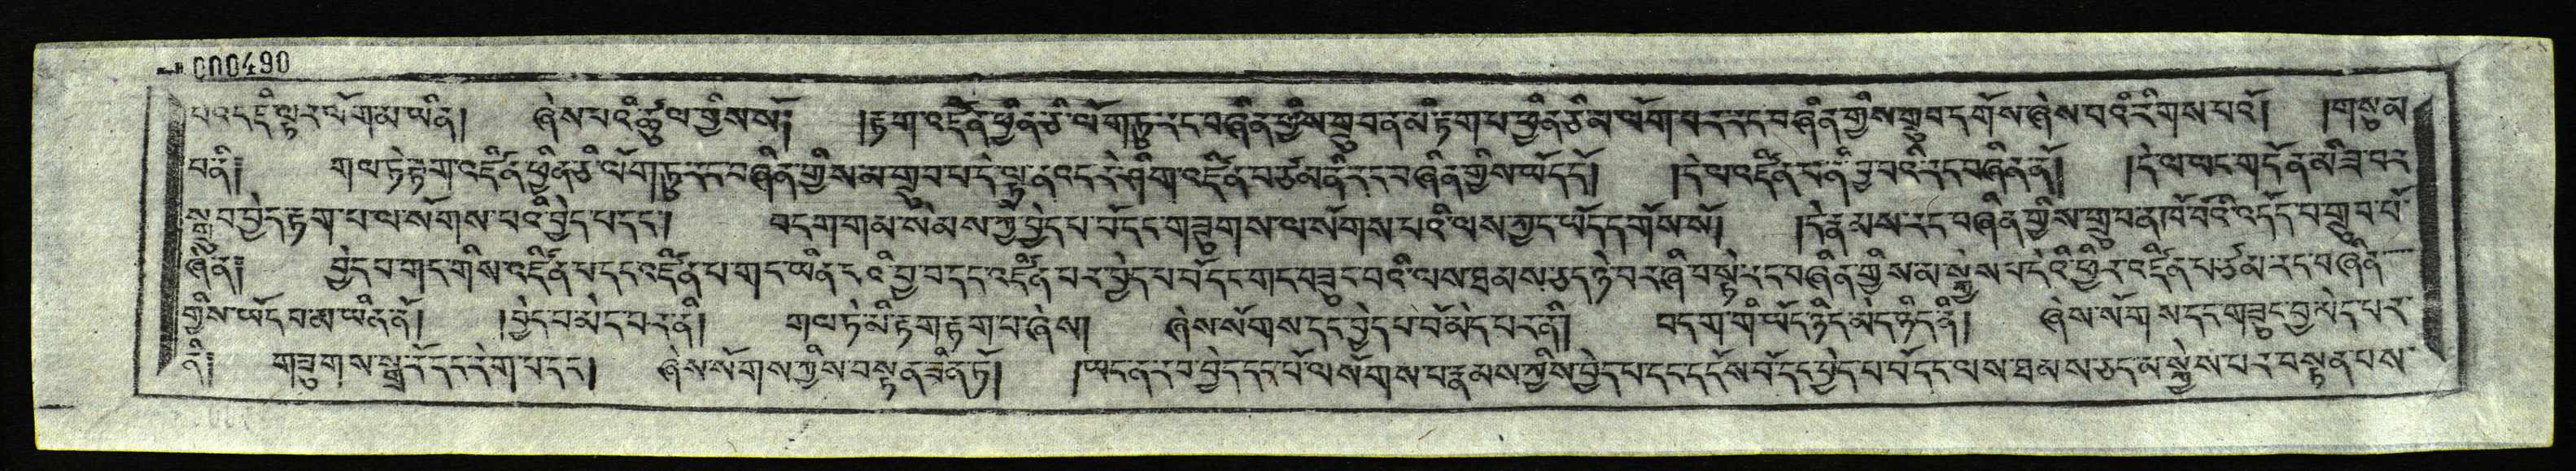པའང་ཇི་ལྟར་ལོག་མ་ཡིན། ཞེས་པའི་ཚུལ་གྱིས་སོ༑ །རྟག་འཛིན་ཕྱིན་ཅི་ལོག་ཏུ་རང་བཞིན་གྱིས་གྲུབ་ན་མི་རྟག་པ་ཕྱིན་ཅི་མ་ལོག་པར་རང་བཞིན་གྱིས་གྲུབ་དགོས་ཞེས་པའི་རིགས་པའོ། །གསུམ་
པ་ནི༑ གལ་ཏེ་རྟག་འཛིན་ཕྱིན་ཅི་ལོག་ཏུ་རང་བཞིན་གྱིས་མ་གྲུབ་པ་དེ་ལྟ་ནའང་རེ་ཤིག་འཛིན་པ་ཙམ་ནི་རང་བཞིན་གྱིས་ཡོད་དོ། །དེ་ལ་འཛིན་པ་ནི་བྱ་བའི་རང་བཞིན་ནོ། །དེ་ལ་ཡང་གདོན་མི་ཟ་བར་
སྒྲུབ་བྱེད་རྟག་པ་ལ་སོགས་པའི་བྱེད་པ་དང་། བདག་གམ་སེམས་ཀྱི་བྱེད་པ་པོ་དང་གཟུགས་ལ་སོགས་པའི་ལས་ཀྱང་ཡོད་དགོས་སོ། །དེ་རྣམས་རང་བཞིན་གྱིས་གྲུབ་ན་ཁོ་བོའི་འདོད་པ་གྲུབ་པོ་
ཞེ་ན༑ བྱེད་པ་གང་གིས་འཛིན་པ་དང་འཛིན་པ་གང་ཡིན་པའི་བྱ་བ་དང་འཛིན་པར་བྱེད་པ་པོ་དང་གང་བཟུང་བའི་ལས་ཐམས་ཅད་ཉེ་བར་ཞི་བ་སྟེ་རང་བཞིན་གྱིས་མ་སྐྱེས་པ་དེའི་ཕྱིར་འཛིན་པ་ཙམ་རང་བཞིན་
གྱིས་ཡོད་པ་མ་ཡིན་ནོ། །བྱེད་པ་མེད་པར་ནི། གལ་ཏེ་མི་རྟག་རྟག་པ་ཞེས། ཞེས་སོགས་དང་བྱེད་པ་པོ་མེད་པར་ནི། བདག་གི་ཡོད་ཉིད་མེད་ཉིད་ནི། ཞེས་སོགས་དང་གཟུང་བྱ་མེད་པར་
ནི༑ གཟུགས་སྒྲ་རོ་དང་རེག་པ་དང་། ཞེས་སོགས་ཀྱིས་བསྟན་ཟིན་ཏོ། །ཡང་ན་རབ་བྱེད་དང་པོ་ལ་སོགས་པ་རྣམས་ཀྱིས་བྱེད་པ་དང་དངོས་པོ་དང་བྱེད་པ་པོ་དང་ལས་ཐམས་ཅད་མ་སྐྱེས་པར་བསྟན་པས་